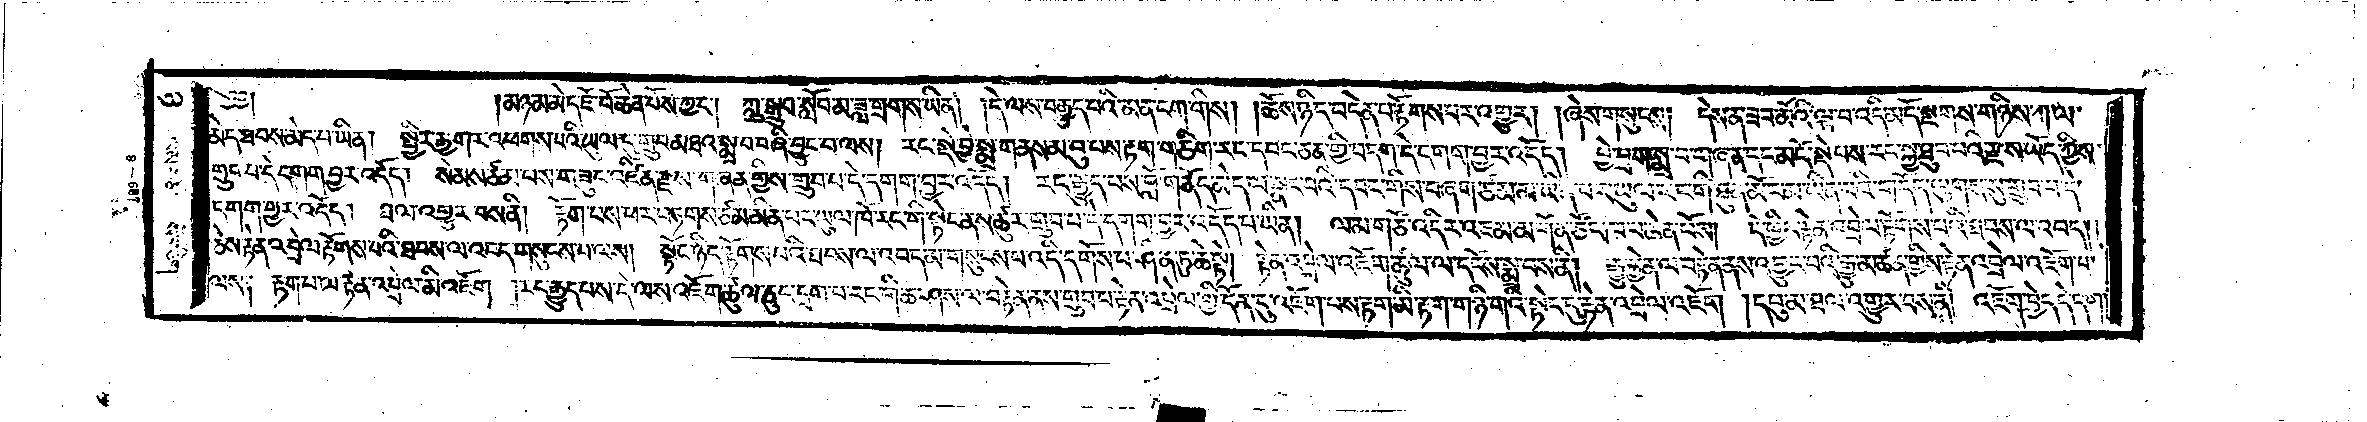༄༅། །མཉམ་མེད་ཇོ་བོ་ཆེན་པོས་ཀྱང་། ཀླུ་སྒྲུབ་སློབ་མ་ཟླ་གྲགས་ཡིན། །དེ་ལས་བརྒྱུད་པའི་མན་ངག་གིས། །ཆོས་ཉིད་བདེན་པ་རྟོགས་པར་འགྱུར། །ཞེས་གསུངས། དེས་ན་ཟབ་མོའི་ལྟ་བ་འདི་མདོ་སྔགས་གཉིས་ཀ་ལ་
མེད་ཐབས་མེད་པ་ཡིན། སྤྱིར་རྒྱ་གར་འཕགས་པའི་ཡུལ་དུ་གྲུབ་མཐའ་སྨྲ་བ་བཞི་བྱུང་བ་ལས། རང་སྡེ་བྱེ་སྨྲ་གནས་མ་བུ་པས་རྟག་གཅིག་རང་དབང་ཅན་གྱི་བདག་དེ་དགག་བྱར་འདོད། བྱེ་བྲག་སྨྲ་བ་གཞན་དང་མདོ་སྡེ་པས་རང་སྐྱ་ཐུབ་པའི་རྫས་ཡོད་ཀྱིས་
གྲུབ་པ་དེ་དགག་བྱར་འདོད། སེམས་ཙམ་པས་གཟུང་འཛིན་རྫས་གཞན་གྱིས་གྲུབ་པ་དེ་དགག་བྱར་འདོད། རང་རྒྱུད་པས་བློ་གནོད་མེད་ལ་སྣང་བའི་དབང་གིས་བཞག་ཙམ་མ་ཡིན་པར་ཡུལ་རང་གི་ཐུན་མོང་མ་ཡིན་པའི་གདོད་ལུགས་སུ་གྲུབ་པ་དེ་
དགག་བྱར་འདོད། ཐལ་འགྱུར་བས་ནི། རྟོག་པས་ཕར་བཏགས་ཙམ་མིན་པར་ཡུལ་ཁོ་རང་གི་སྟེང་ནས་ཚུར་གྲུབ་པ་དེ་དགག་བྱར་འདོད་པ་ཡིན། ལམ་གཙོ་འདིར་འཇམ་མགོན་ཙོང་ཁ་པ་ཆེན་པོས། དེ་ཕྱིར་རྟེན་འབྲེལ་རྟོགས་པའི་ཐབས་ལ་འབད།།
ཅེས་རྟེན་འབྲེལ་རྟོགས་པའི་ཐབས་ལ་འབད་གསུངས་པ་ལས། སྟོང་ཉིད་རྟོགས་པའི་ཐབས་ལ་འབད་མ་གསུངས་པ་འདི་དགོས་པ་ཤིན་ཏུ་ཆེ་སྟེ། རྟེན་འབྲེལ་འཇོག་ཚུལ་ལ་དངོས་སྨྲ་བས་ནི། རྒྱུ་རྐྱེན་ལ་བརྟེན་ནས་འབྱུང་བའི་རྒྱུ་མཚན་གྱིས་རྟེན་འབྲེལ་འཇོག་པ་
ལས༑ རྟག་པ་ལ་རྟེན་འབྲེལ་མི་འཇོག །རང་རྒྱུད་པས་དེ་ལས་འཇོག་ཚུལ་ཅུང་དྲག་པ་རང་གི་ཆ་ཤས་ལ་བརྟེན་ནས་གྲུབ་པ་རྟེན་འབྲེལ་གྱི་དོན་དུ་འཇོག་པས་རྟག་མི་རྟག་གཉི་གའི་སྟེང་དུ་རྟེན་འབྲེལ་འཇོག །དབུ་མ་ཐལ་འགྱུར་བས་ནི། འཇོག་བྱེད་དེ་དག་